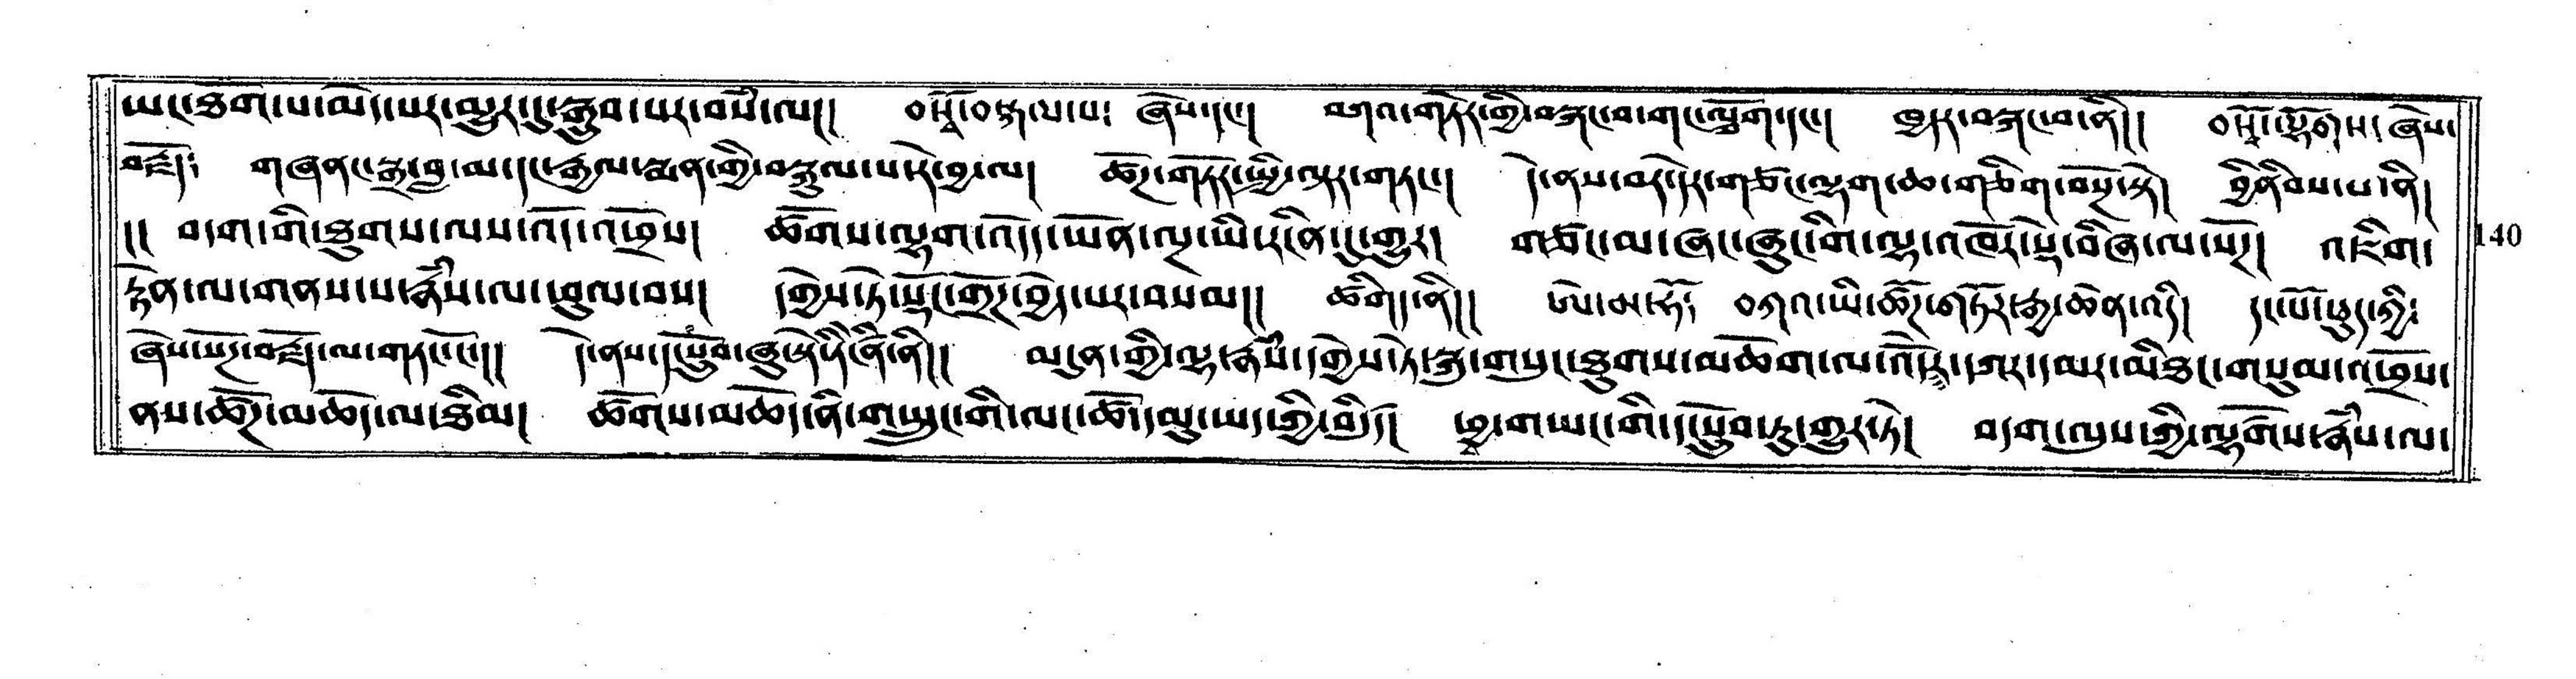ཡང་ཐོག་པ་མེད་པར་མྱུར་དུ་སྒྲུབ་པར་བསམ་ལ།། བསྭོ་བསྐལ་པ༴ ཞེས་དང་། བཀའ་གཏེར་གྱི་བསྐང་བ་གང་ལྕོག་དང་། ཁྱད་པར་བསྐང་བ་ནི།། བསྭོ་ལྷ་ཚོགས༴ ཞེས་
བརྗོད གཞན་ཡང་སྒྲ་བླ་མ་དང་རྒྱལ་སྨན་གྱི་བསྐུལ་པ་རེ་བྱ་ལ། ཚོགས་གཏོར་སྤྱི་ལྟར་གཏང་། དེ་ནས་བར་དེར་གཙང་ལྷག་ཆ་གཅིག་བསྔོ་སྟེ། བྱིན་གྱིས་བརླབས་པ་ནི། 
།།བདག་གི་ཐུགས་ལས་འོད་འཕྲོས། ཚོགས་ལྷག་འདོད་ཡོན་ལྔ་ཡི་རང་བཞིན་དུ་གྱུར། གཙང་མ་ཞང་ཞུང་གི་ལྷ་འཁོར་སྡེ་བཞི་ལ་སོགས། འཇིག་
རྟེན་ལ་གནས་པ་རྣམས་ལ་ཕུལ་བས། དགྱེས་ཏེ་སྡོང་གྲོགས་བྱེད་པར་བསམ།། ཚིག་བཤད་ནི།། ཨེ་མ་ཧོ བཀའ་ཡི་ཚོགས་གཏོར་རྒྱ་ཆེན་འདི། དང་པོ་ཕུད་ཀྱི༴ 
ཞེས་སོགས་བརྗོད་ལ་གཏང་ངོ་།། དེ་ནས་དངོས་གྲུབ་ཞུ་སྟེ་ཏིང་ངེ་འཛིན་ནི།། མདུན་གྱི་ལྷ་རྣམས་དགྱེས་ཏེ་སྐུ་གསུང་ཐུགས་མཆོག་ལ་འོད་ཟེར་དཀར་དམར་མཐིང་གསུམ་འཕྲོས་
ནས་ཚོགས་མཆོད་ལ་ཐིམ། ཚོགས་མཆོད་ནི་གཡུང་དྲུང་གི་ལང་ཚོ་དམུ་ཡད་ཀྱི་བདུད་རྩི། ཕྱྭ་གཡང་གི་དངོས་གྲུབ་ཏུ་གྱུར་ཏེ། བདག་ལུས་ཀྱི་ལྷ་ཚོགས་རྣམས་ལ་